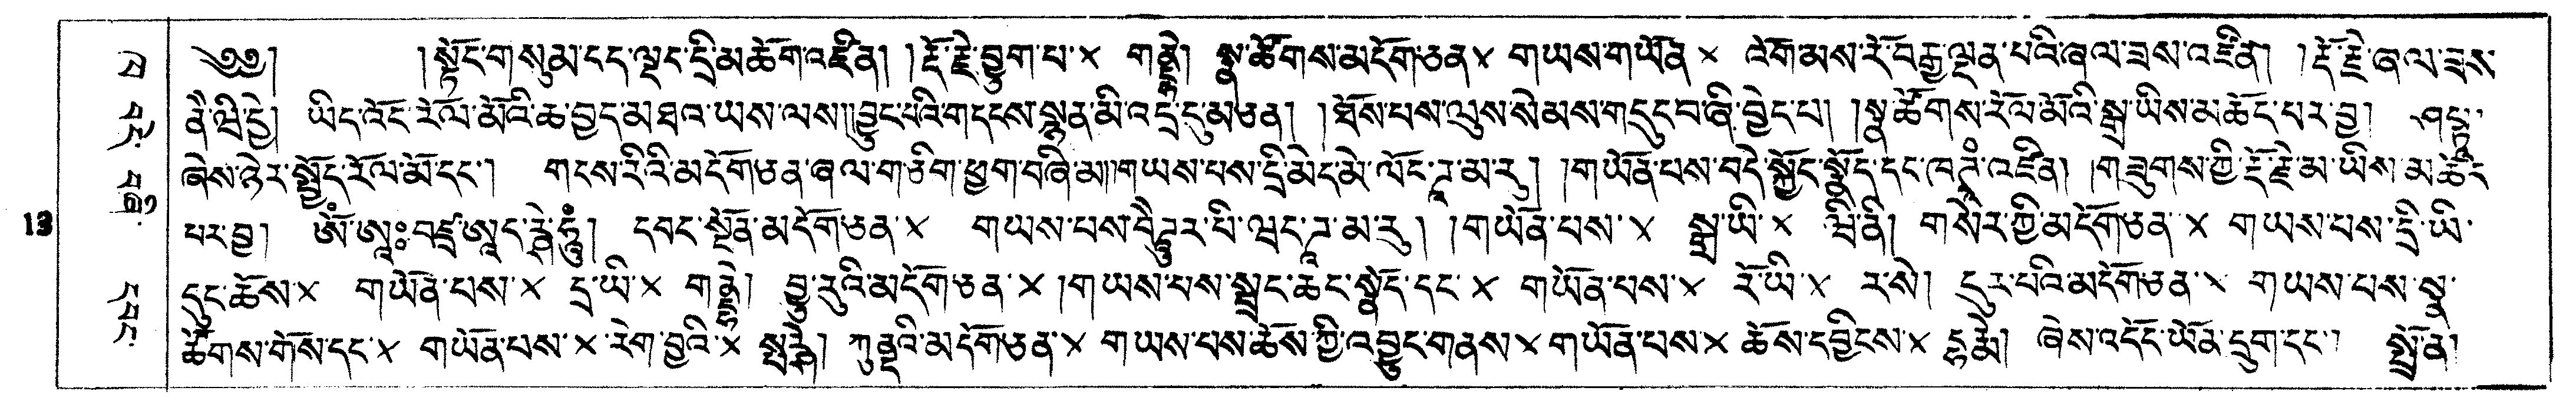༄༅། །སྟོང་གསུམ་ངད་ལྡང་དྲི་མཆོག་འཛིན། །རྡོ་རྗེ་བྱུག་པ་྾་གནྡྷེ། སྣ་ཚོགས་མདོག་ཅན྾་གཡས་གཡོན་྾་འོག་མས་རོ་བརྒྱ་ལྡན་པའི་ཞལ་ཟས་འཛིན། །རྡོ་རྗེ་ཞལ་ཟས་
ནཻ་ཝི་དྱེ། ཡིད་འོང་རོལ་མོའི་ཆ་བྱད་མཐའ་ཡས་ལས། །བྱུང་པའི་གདངས་སྙན་མི་འདྲ་དུ་མ་ཅན། །ཐོས་པས་ལུས་སེམས་གདུང་བ་ཞི་བྱེད་པ། །སྣ་ཚོགས་རོལ་མོའི་སྒྲ་ཡིས་མཆོད་པར་བྱ། ཤཔྟ།
ཞེས་ཉེར་སྤྱོད་རོལ་མོ་དང་། གངས་རིའི་མདོག་ཅན་ཞལ་གཅིག་ཕྱག་བཞི་མ། །གཡས་པས་དྲི་མེད་མེ་ལོང་ཌཱ་མ་རུ། །གཡོན་པས་བདེ་སྐྱོང་སྣོད་དང་ཁཊཱཾ་འཛིན། །གཟུགས་ཀྱི་རྡོ་རྗེ་མ་ཡིས་མཆོད་
པར་བྱ། ཨོཾ་ཨཱཿ བཛྲ་ཨཱད་རྴེ་ཧཱུཾ། དབང་སྔོན་མདོག་ཅན་྾་གཡས་པས་བཻཌཱུར་པི་ཝང་ཌཱ་མ་རུ། །གཡོན་པས྾་སྒྲ་ཡི྾་ཝི་ནི། གསེར་གྱི་མདོག་ཅན་྾་གཡས་པས་དྲི་ཡི་
དུང་ཆོས་྾་གཡོན་པས་྾་དྲ་ཡི་྾་གནྡྷེ། བྱུ་རུའི་མདོག་ཅན་྾་།གཡས་པས་སྦྲང་ཆང་སྣོད་དང་྾་གཡོན་པས་྾་རོ་ཡི་྾་ར་སེ། དུར་པའི་མདོག་ཅན་྾་གཡས་པས་སྣ་
ཚོགས་གོས་དང་྾་གཡོན་པས་྾་རེག་བྱའི་྾་སྤརྴེ། ཀུནྡའི་མདོག་ཅན་྾་གཡས་པས་ཆོས་ཀྱི་འབྱུང་གནས་྾་གཡོན་པས་྾་ཆོས་དབྱིངས་྾་དྷརྨེ། ཞེས་འདོད་ཡོན་དྲུག་དང་། སྤྲོ་ན།